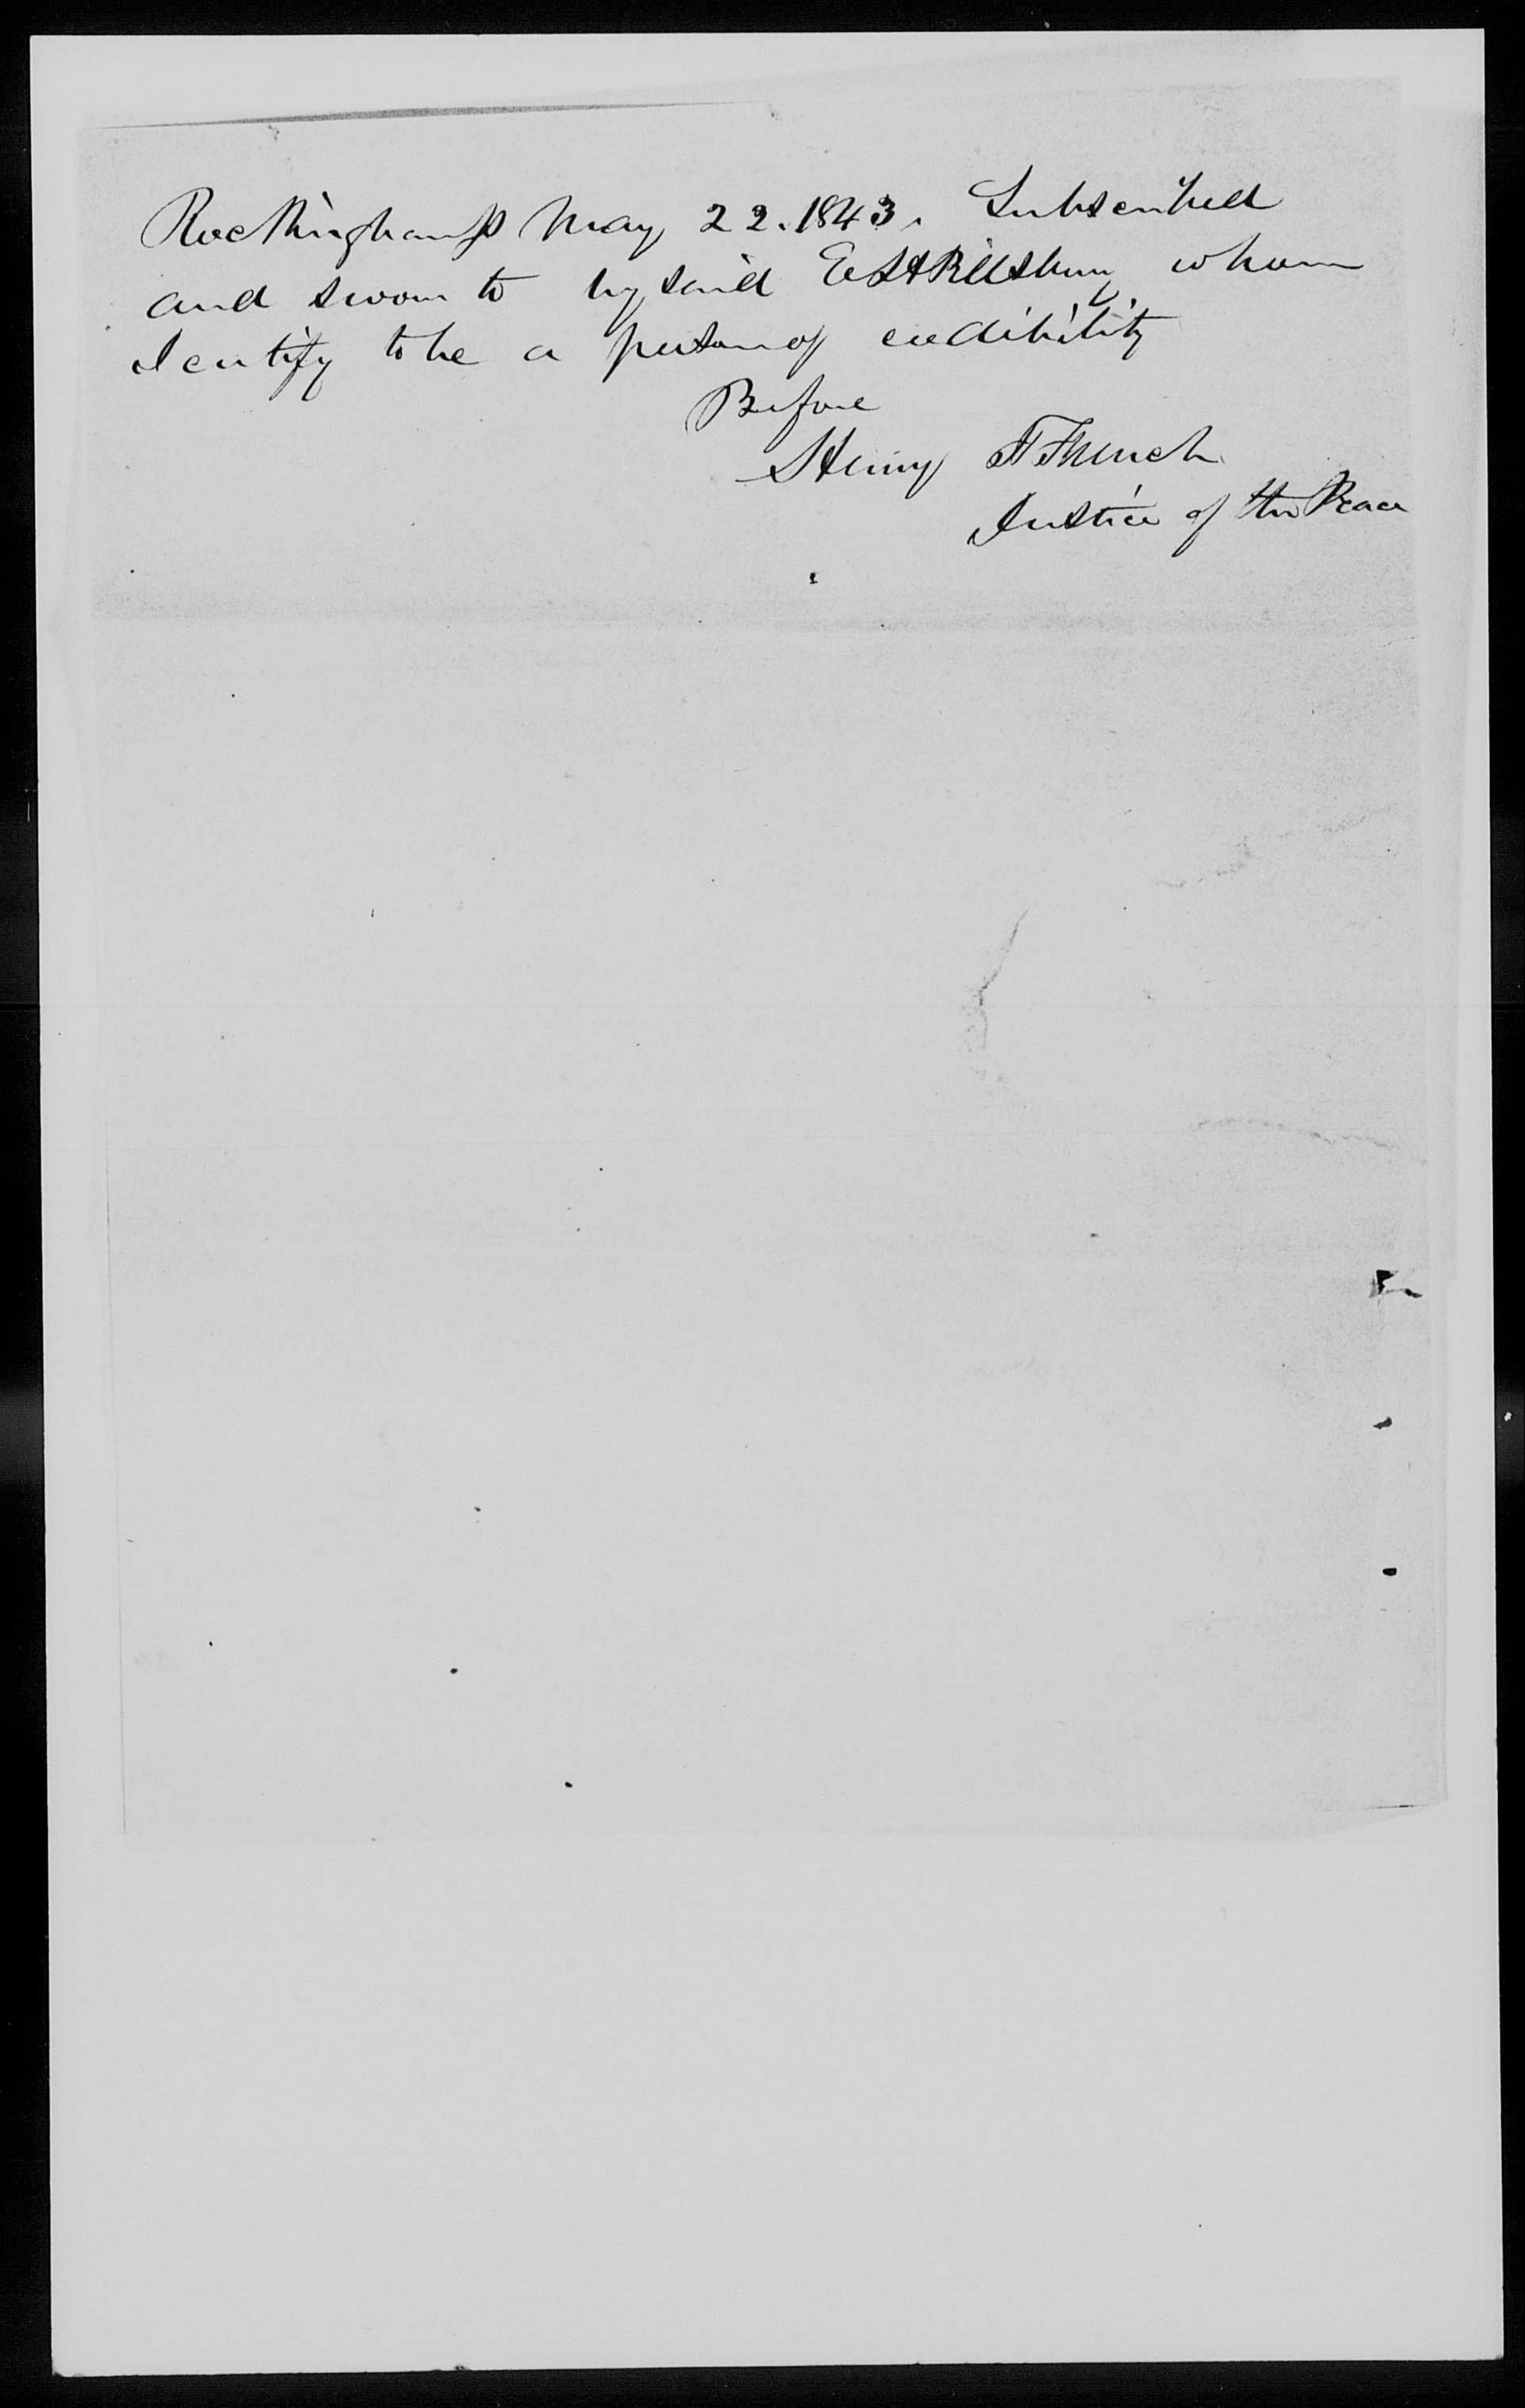Rockingham May 22. 1843.  Subscribed
and sworn to by said E H Pilsbury
whom I certify to be a person of credibility
Before
Henry F French
Justice of the Peace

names: Henry F French, E H Pillsbury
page: 15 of 43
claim: widow's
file: W. 21665, Ebenezer Bennett, N. H. Privateer.